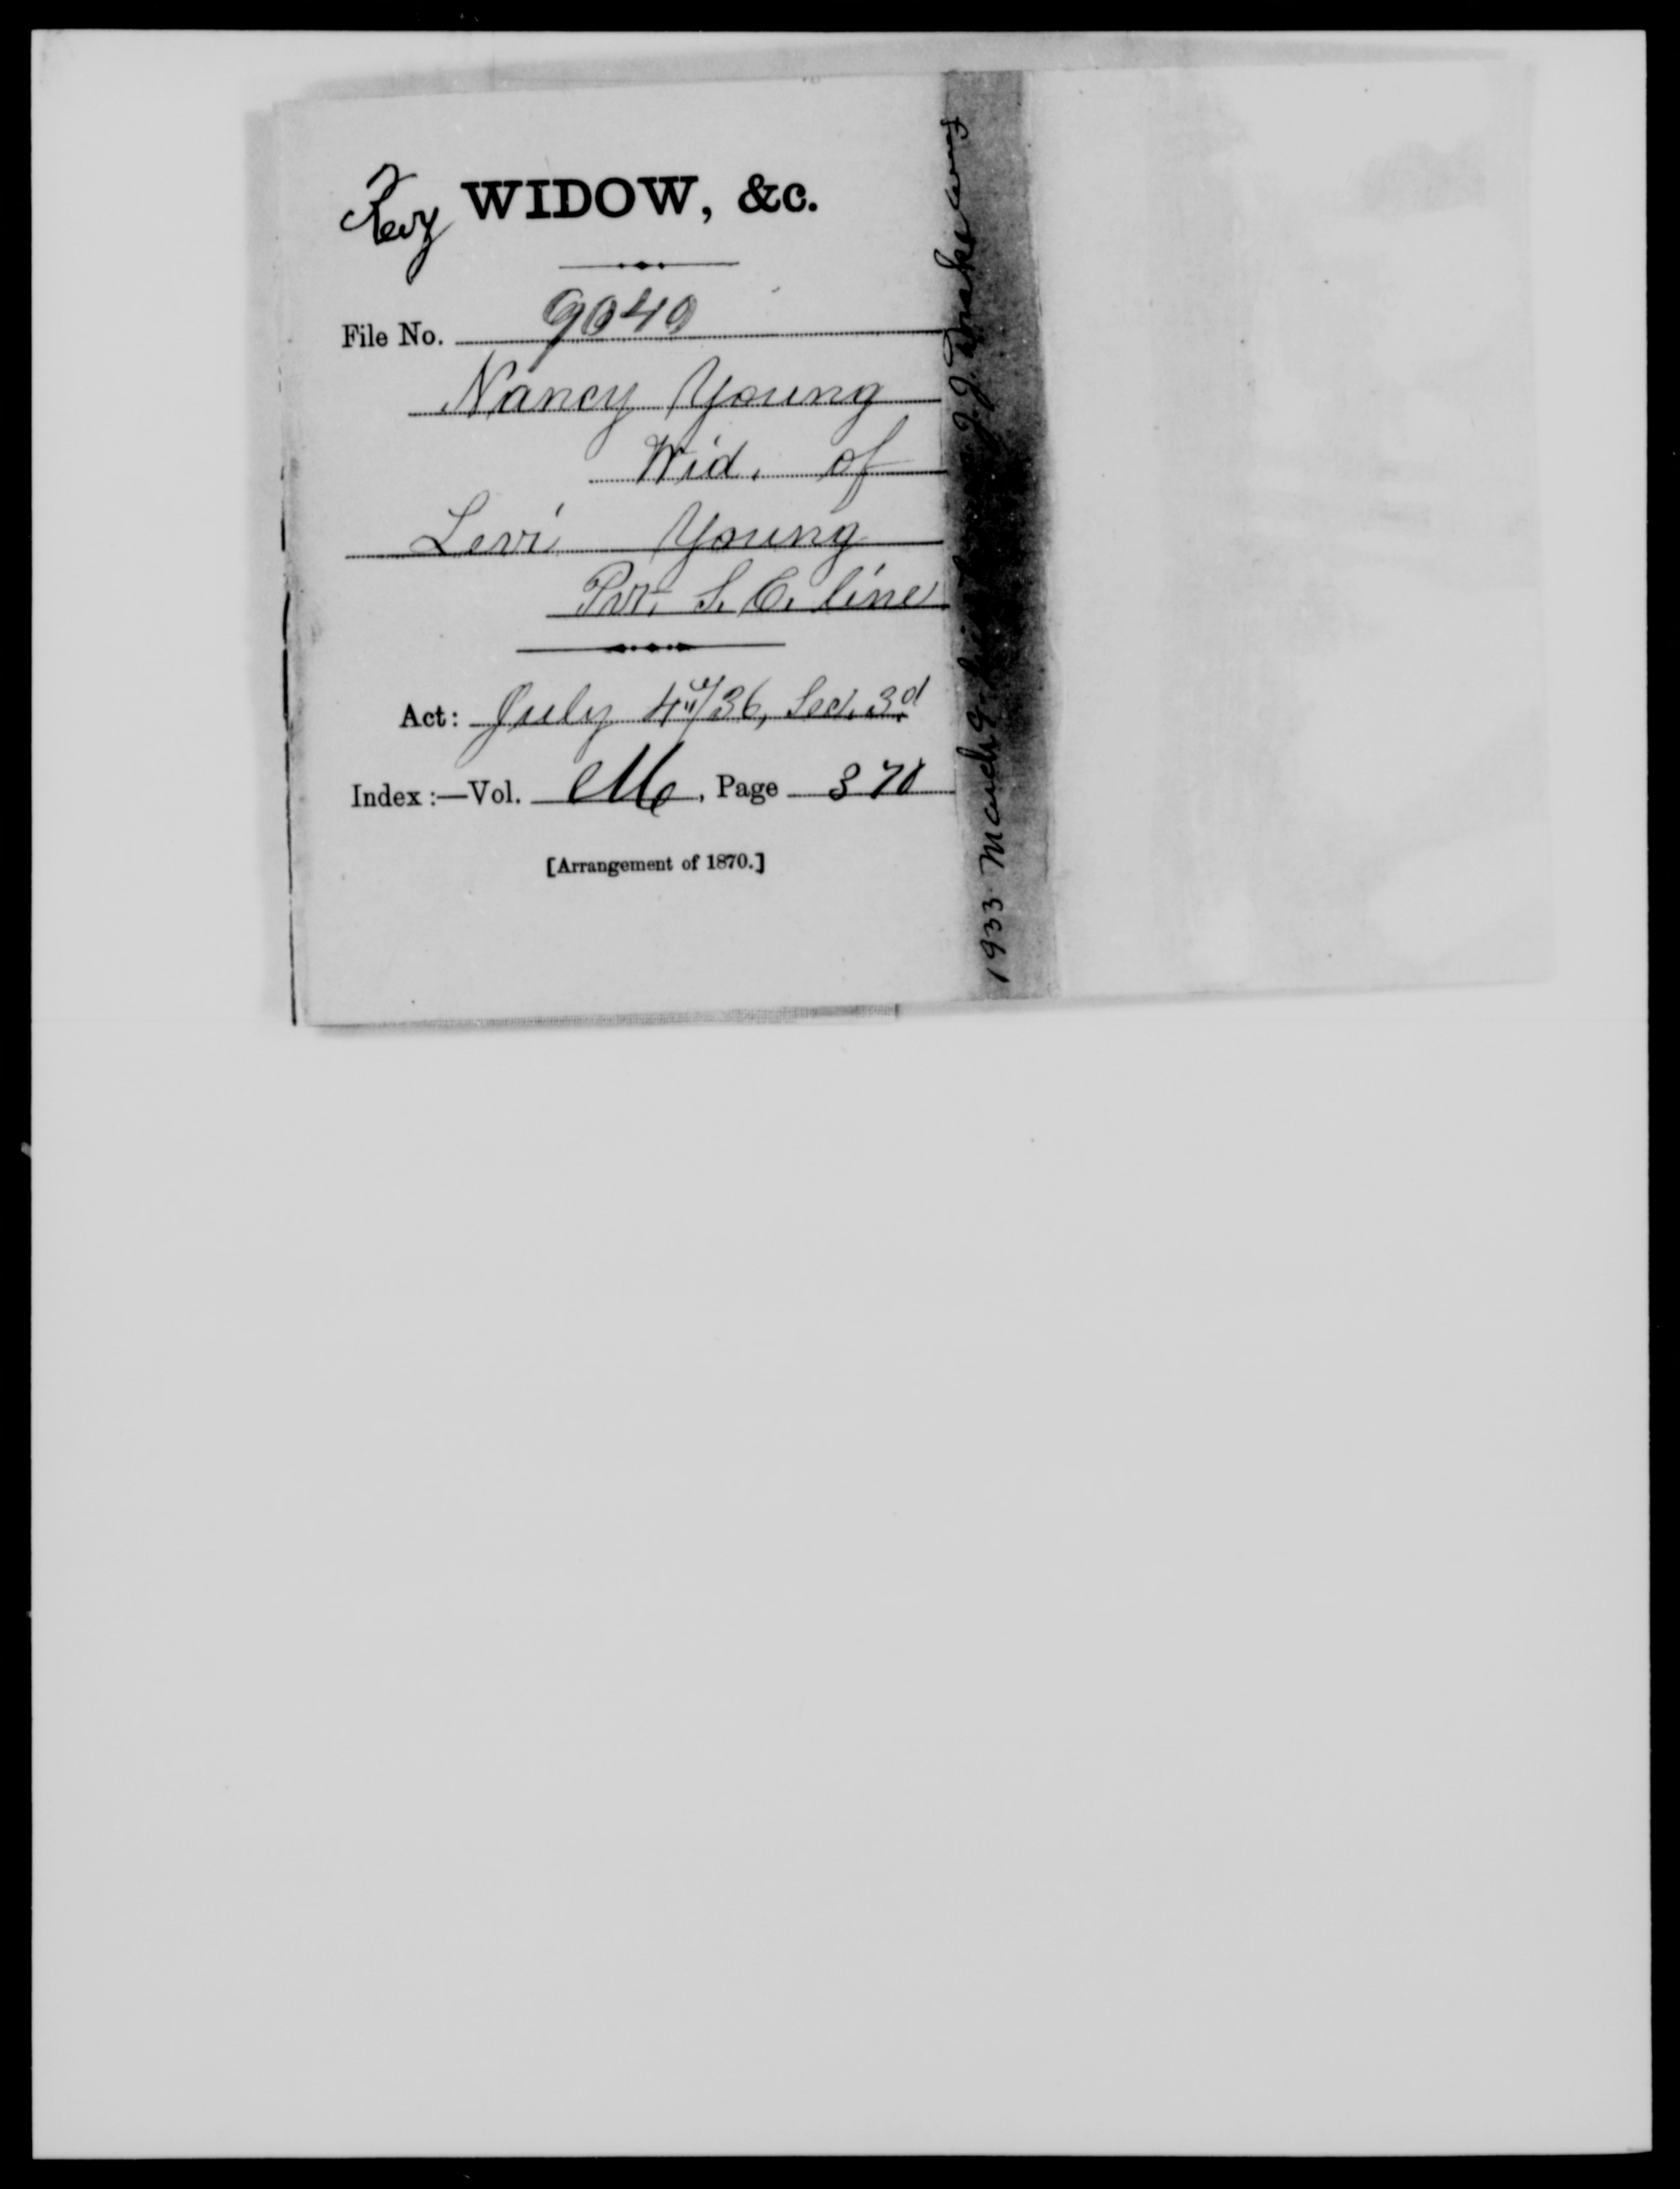Revy Widow, &c.
File No. 9040
Nancy Young
Wid. [widow] of
Levi Young
Pvt. [private] S.C. [South Carolina] line
Act July 4th 36 [1836] Sec. 3d [Third Section]
Index: -- Vol. M, Page 370
[Arrangement of 1870]

1933 (the remainder of the text written along the crease of the certificate is illegible)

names: J J Drake, Levi Young, Nancy Young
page: 30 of 56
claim: widow's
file: W. 9040, Levi Young, Ga. New Jersey S.C.